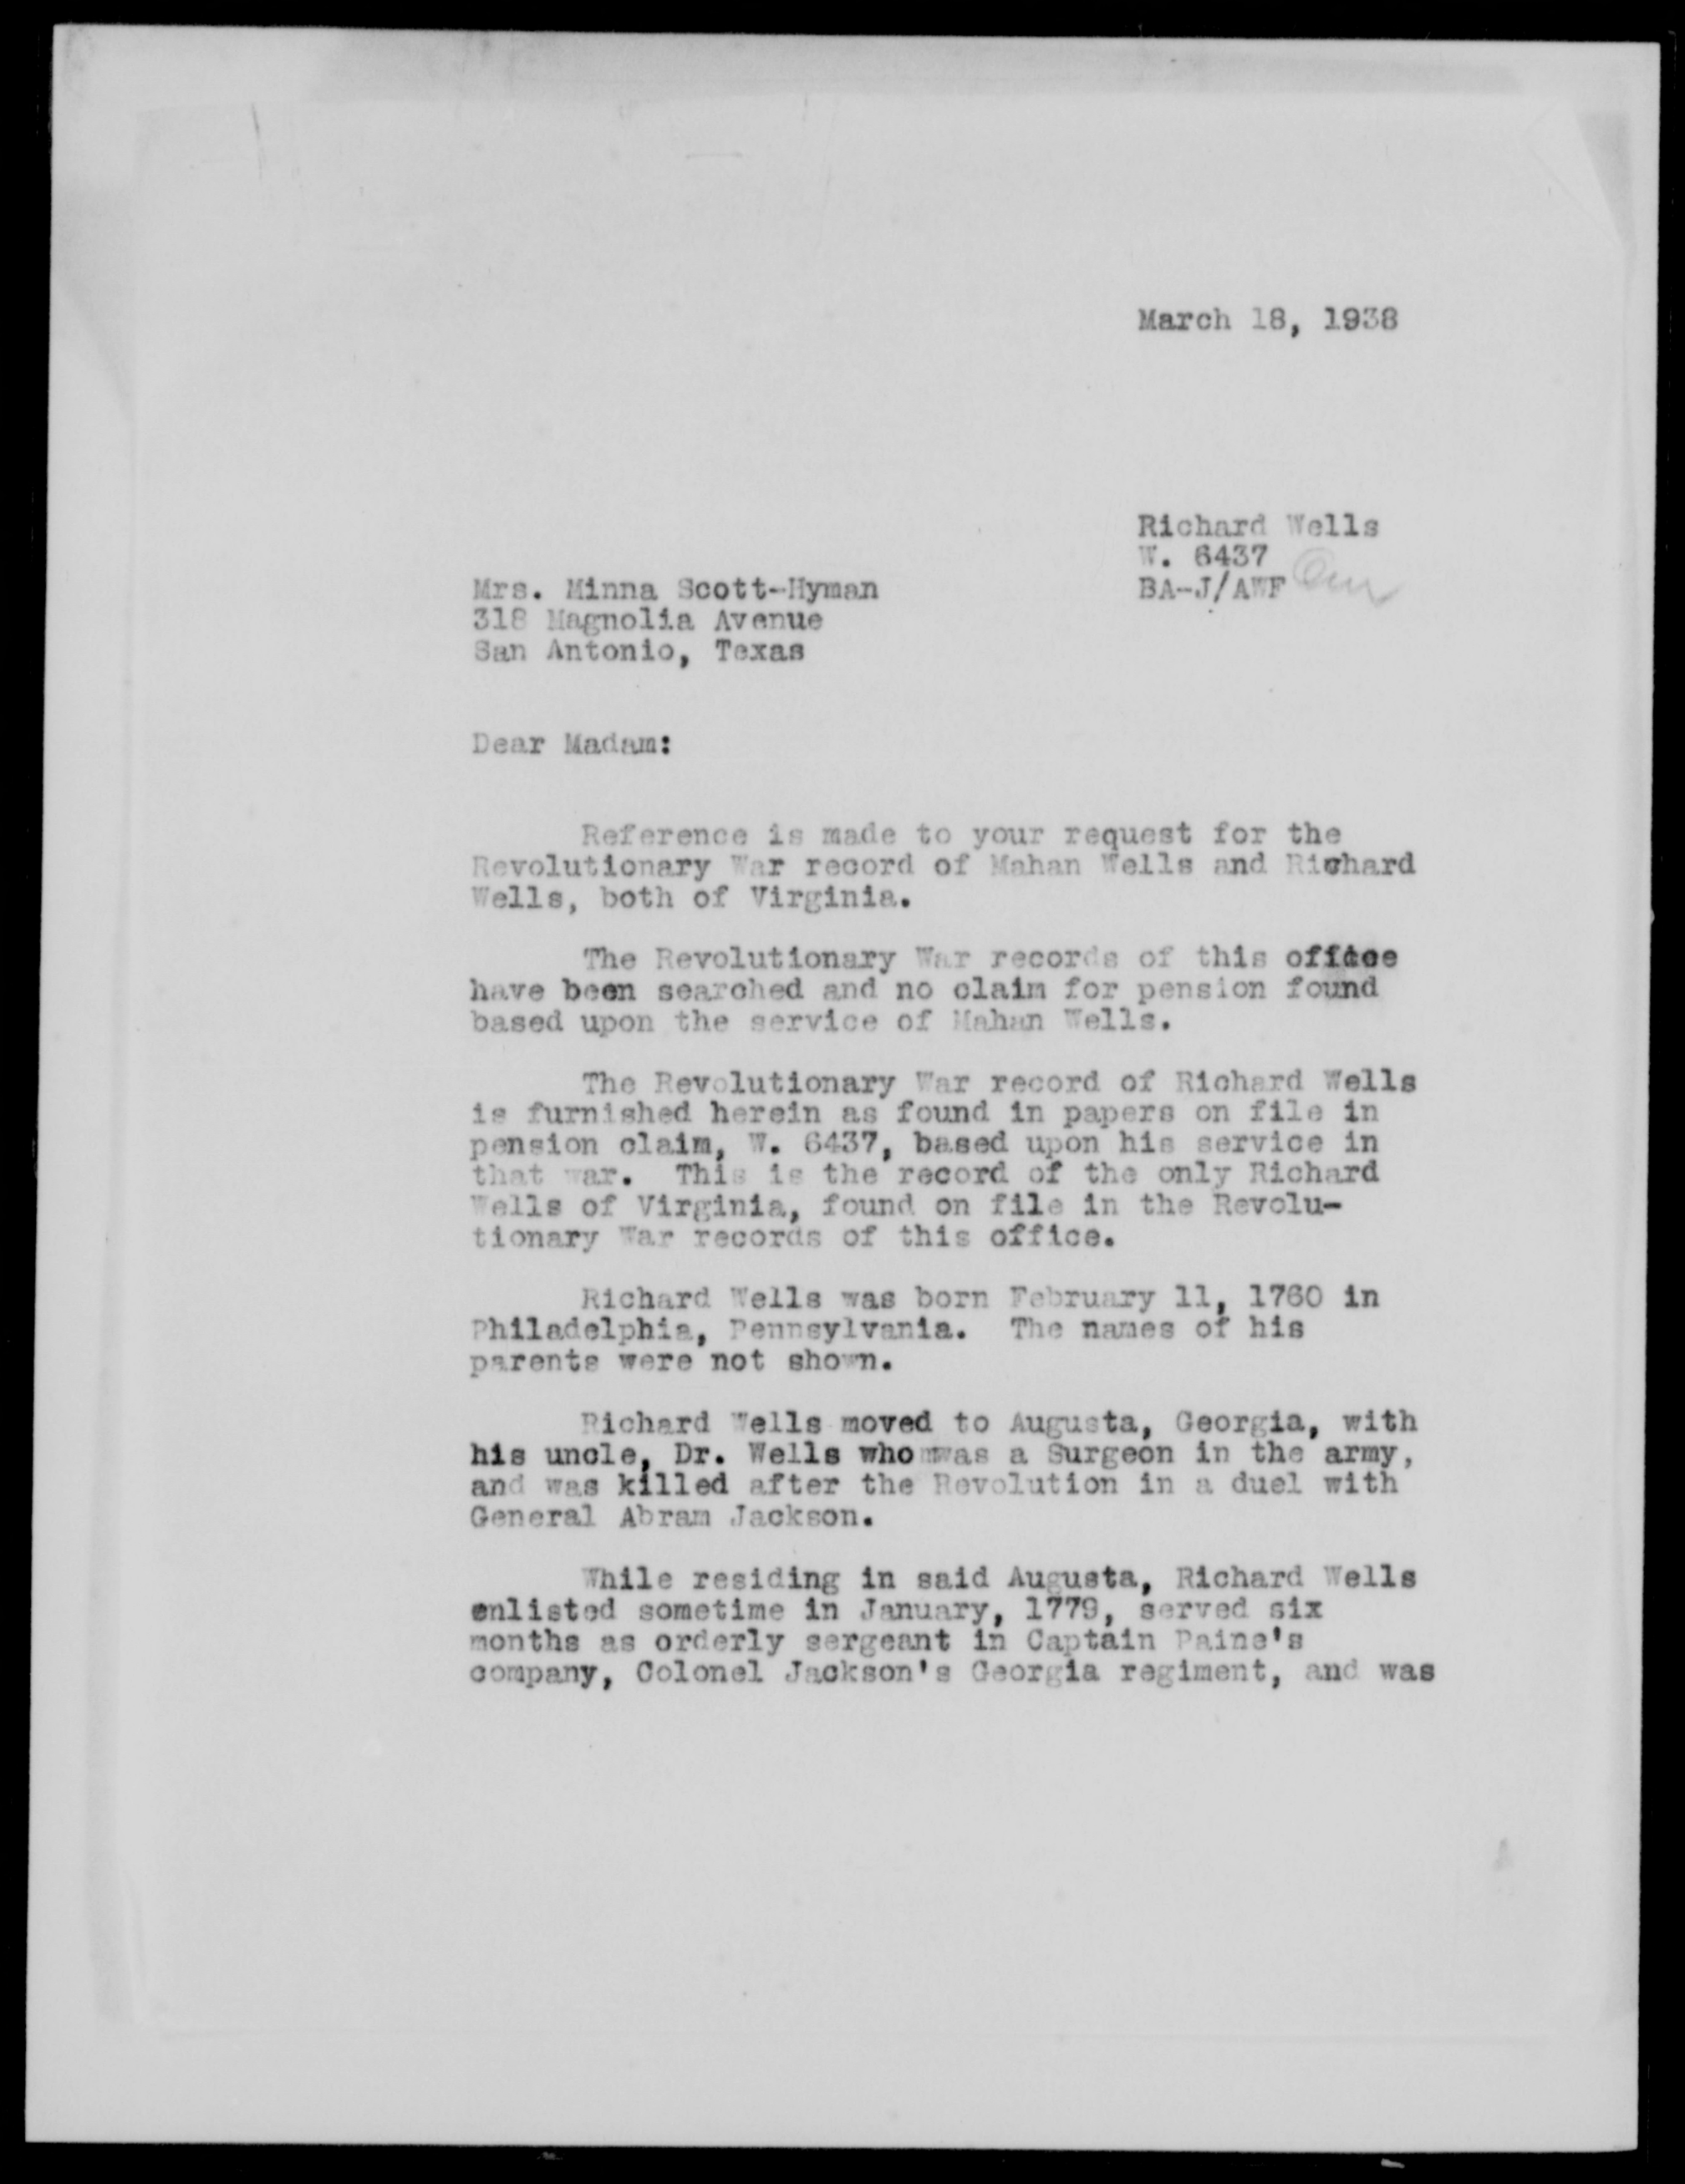March 18, 1938
Richard Wells 
W. 6437
BA-J/AWF

Mrs Minna Scott-Hyman
318 Magnolia Avenue
San Antonio, Texas

Dear Madam:

Reference is made to your request for the Revolutionary War record of Mahan Wells and Richard Wells, both of Virginia.

The Revolutionary War records of this office have been searched and no claim for pension found based upon the service of Mahan Wells.

The Revolutionary War record of Richard Wells if furnished herein as found in papers on file in pension claim, W. 6437, based upon his service in that war.  This is the record of the only Richard Wells of Virginia, found on file in the Revolutionary War records of this office. 

Richard Wells was born February 11, 1760 in Philadelphia, Pennsylvania.  The names of his parents were not shown.

Richard Wells moved to Augusta, Georgia, with his uncle, Dr Wells who was a surgeon in the army, and was killed after the Revolution in a duel with General Abram Jackson. 

While residing in said Augusta, Richard Wells enlisted sometime in Janurary, 1779, served six months as orderly sergeant in Captain Paine's company, Colonel Jackson's Georgia regiment, and was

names: Abram Jackson, Mahan Wells, Minna Scott-Hyman, Richard Wells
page: 39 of 100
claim: widow's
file: W. 6437, Richard Wells, Ga Va.